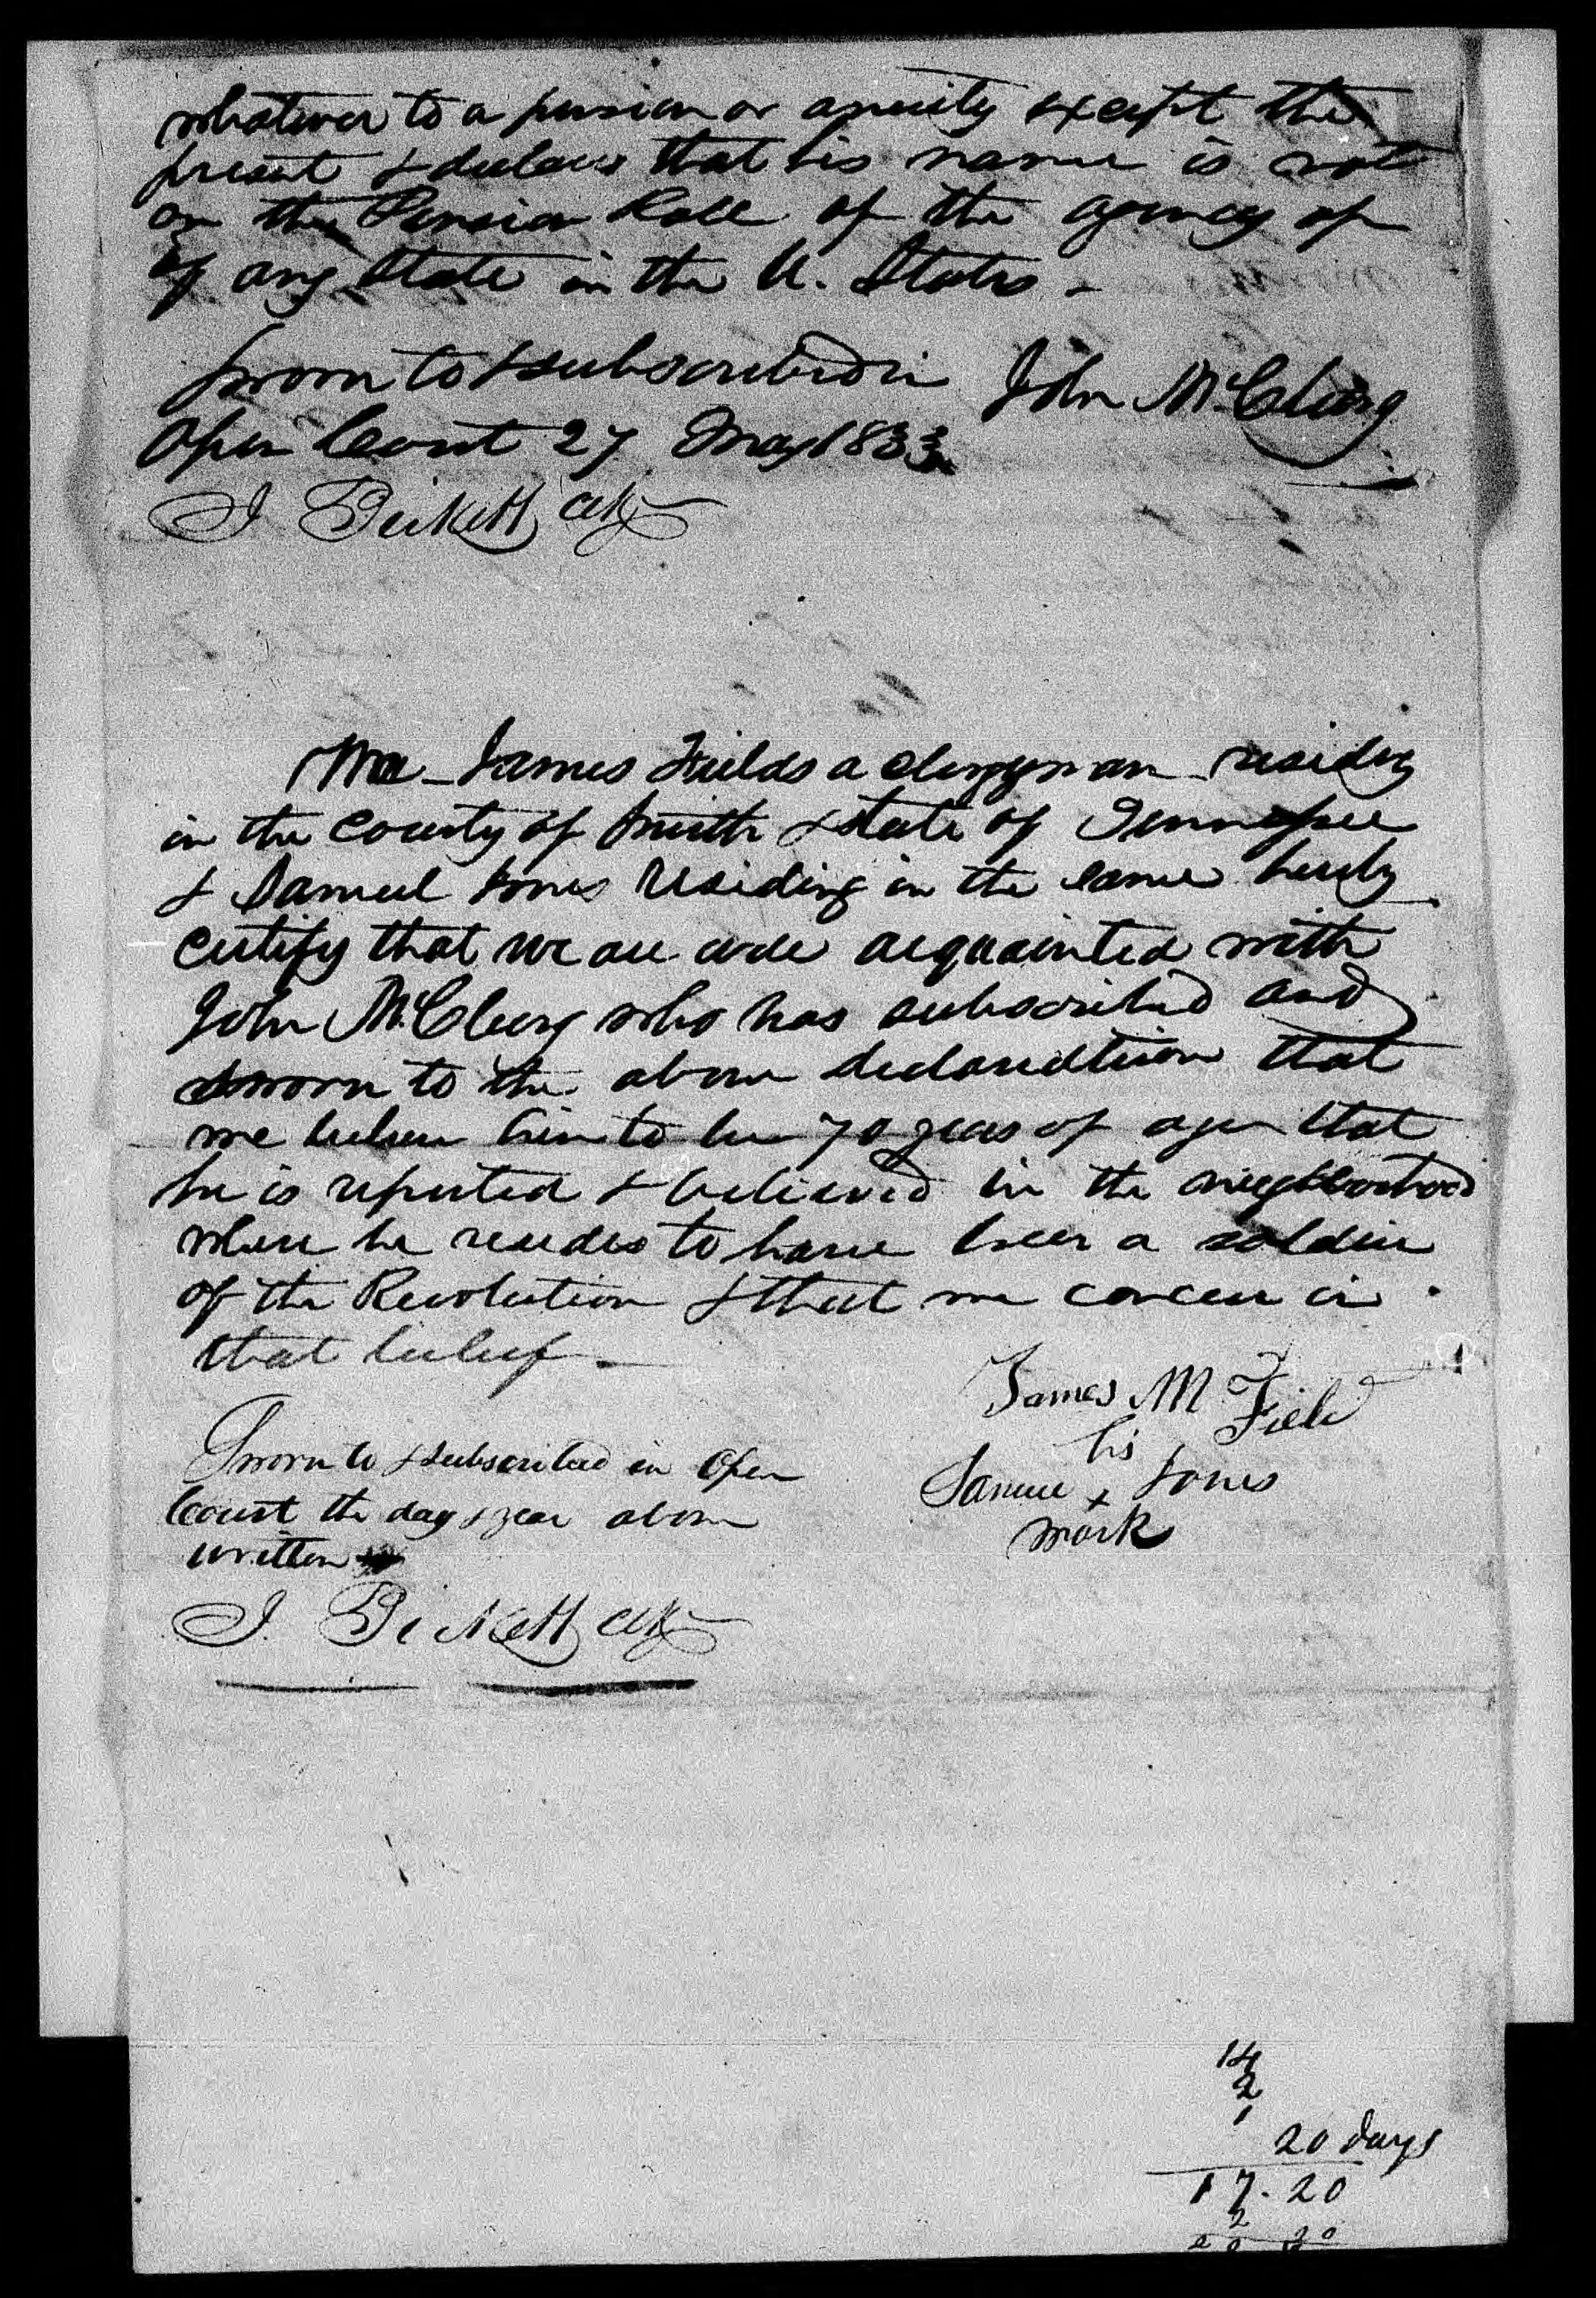whatever to a pension or annuity except the 
present & declares that his name is not 
on the Pension Roll of the agency of 
[repeated: of] any State in the U. States.
Sworn to & subscribed in | John McClung 
Open Court 27 May 1833.
J Bickett Clk

We James Fields a clergyman residing 
in the County of Smith & State of Tennessee 
& Samuel Jones residing in the same hereby 
certify that we are well acquainted with 
John McClung who has subscribed and 
sworn to the above declaration that 
we believe him to be 70 years of age that 
he is reputed & believed in the neighborhood [neighborhood]
where he resides to have been a soldier 
of the Revolution & that we concur in 
that belief.
Sworn to & subscribed in Open | James M. Fields 
Court the day & year above | Samuel his X mark Jones
written.
J. Bickett Clk

[math calculation]
14
2
1
  20 days
_______
17.20
  2 20
_______
19.40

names: John Mc Clurg; James M Field; Samul Jones; J Bickett; James Fields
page: 18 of 115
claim: widow's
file: W. 1446, for John Mc Clung, South Carolina